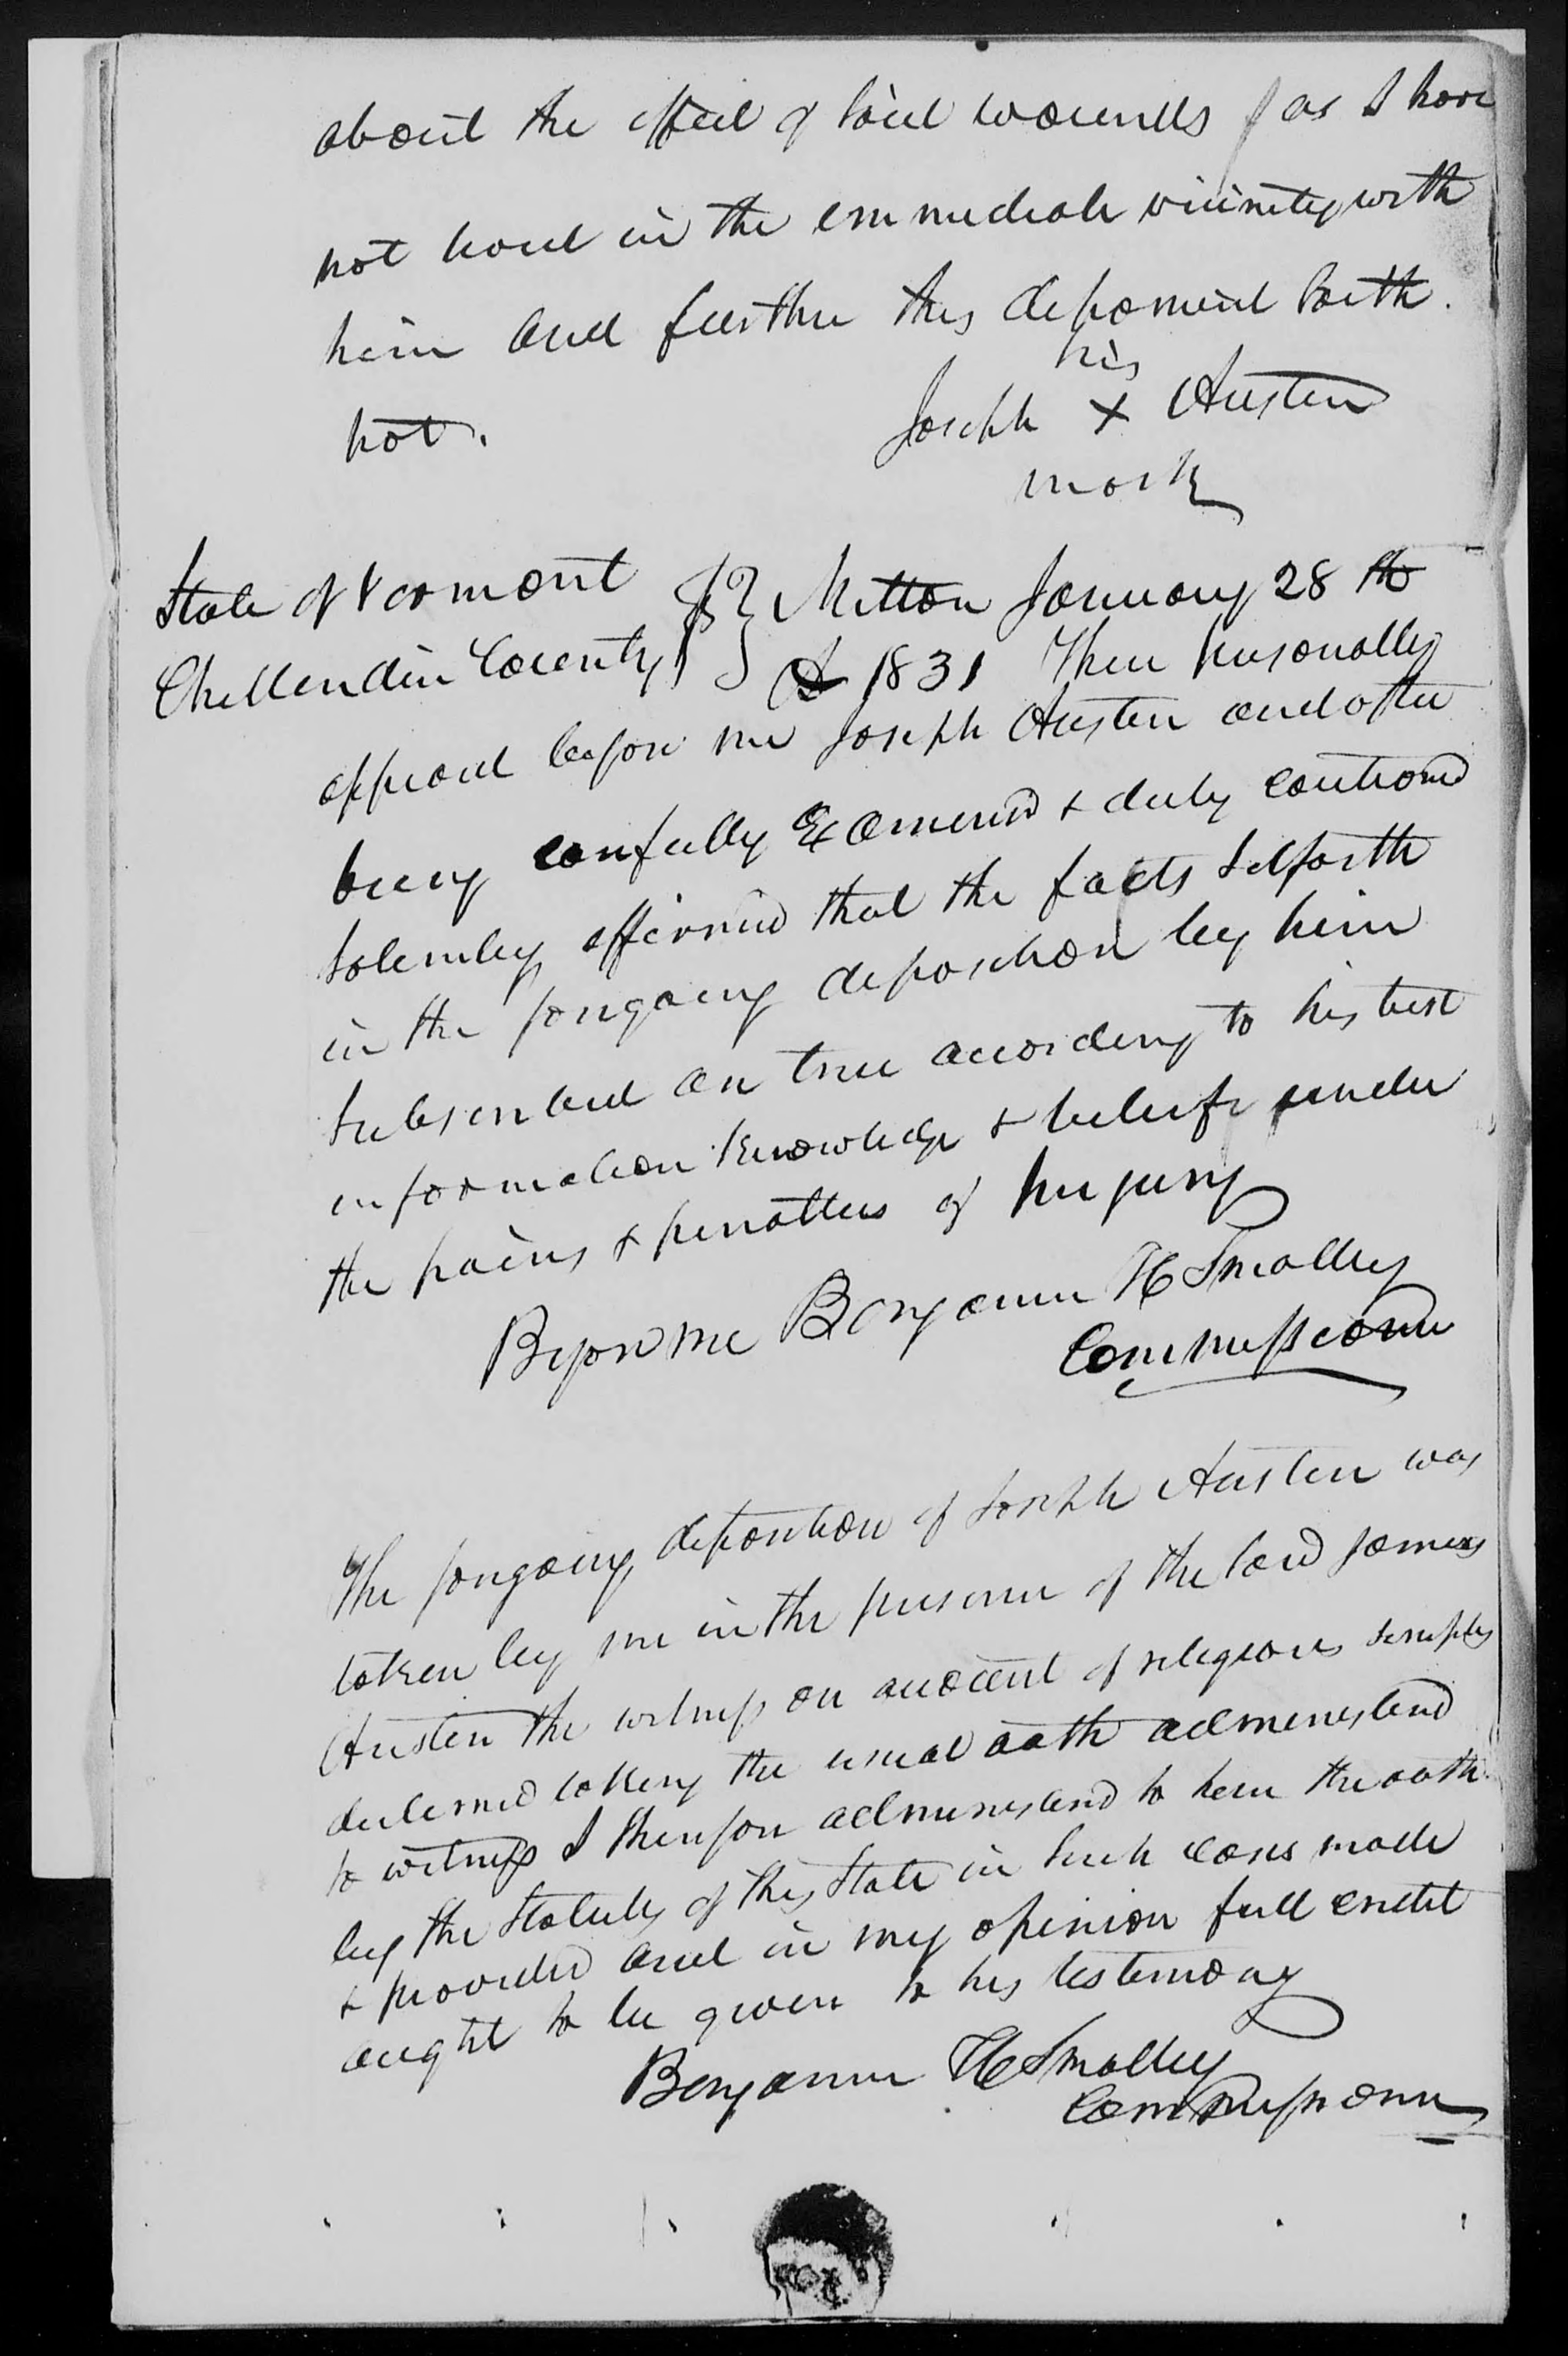about the effect of said wounds for I have not been in the immediate vicinity with him and further this deponent hath not.
Joseph his mark Austin

State of Vermont    }Milton January 28th
Chittenden County }AD1831 Then personally appeared before me Joseph Austin and after being carefully examined & duly cautioned solemly affirmed that the facts beforth in the foregoing deposition by him subscribed are true according to his best information knowledge & beliefs under the pains & penalties of perjury
Before me Benjamin H Smalley Commissioner

The foregoing deposition of Joseph Austin was taken by me in the presence  of the said James Austin the witness on account of religious [illegible] declined to [illegible] the usual oath administered to witness I therefore administered to him the oath by the Statute of this State in such [illegible] & provider and in my opinion full credit ought to be given to his testimony
Benjamin H Smalley
Commissioner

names: Benjamin H Smalley, Benjamin H Smalley, Joseph Austin, James Austin, Joseph Austin, Joseph Austin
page: 14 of 100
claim: survivor's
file: S 19186, James Austin, Conn. New York R.I.